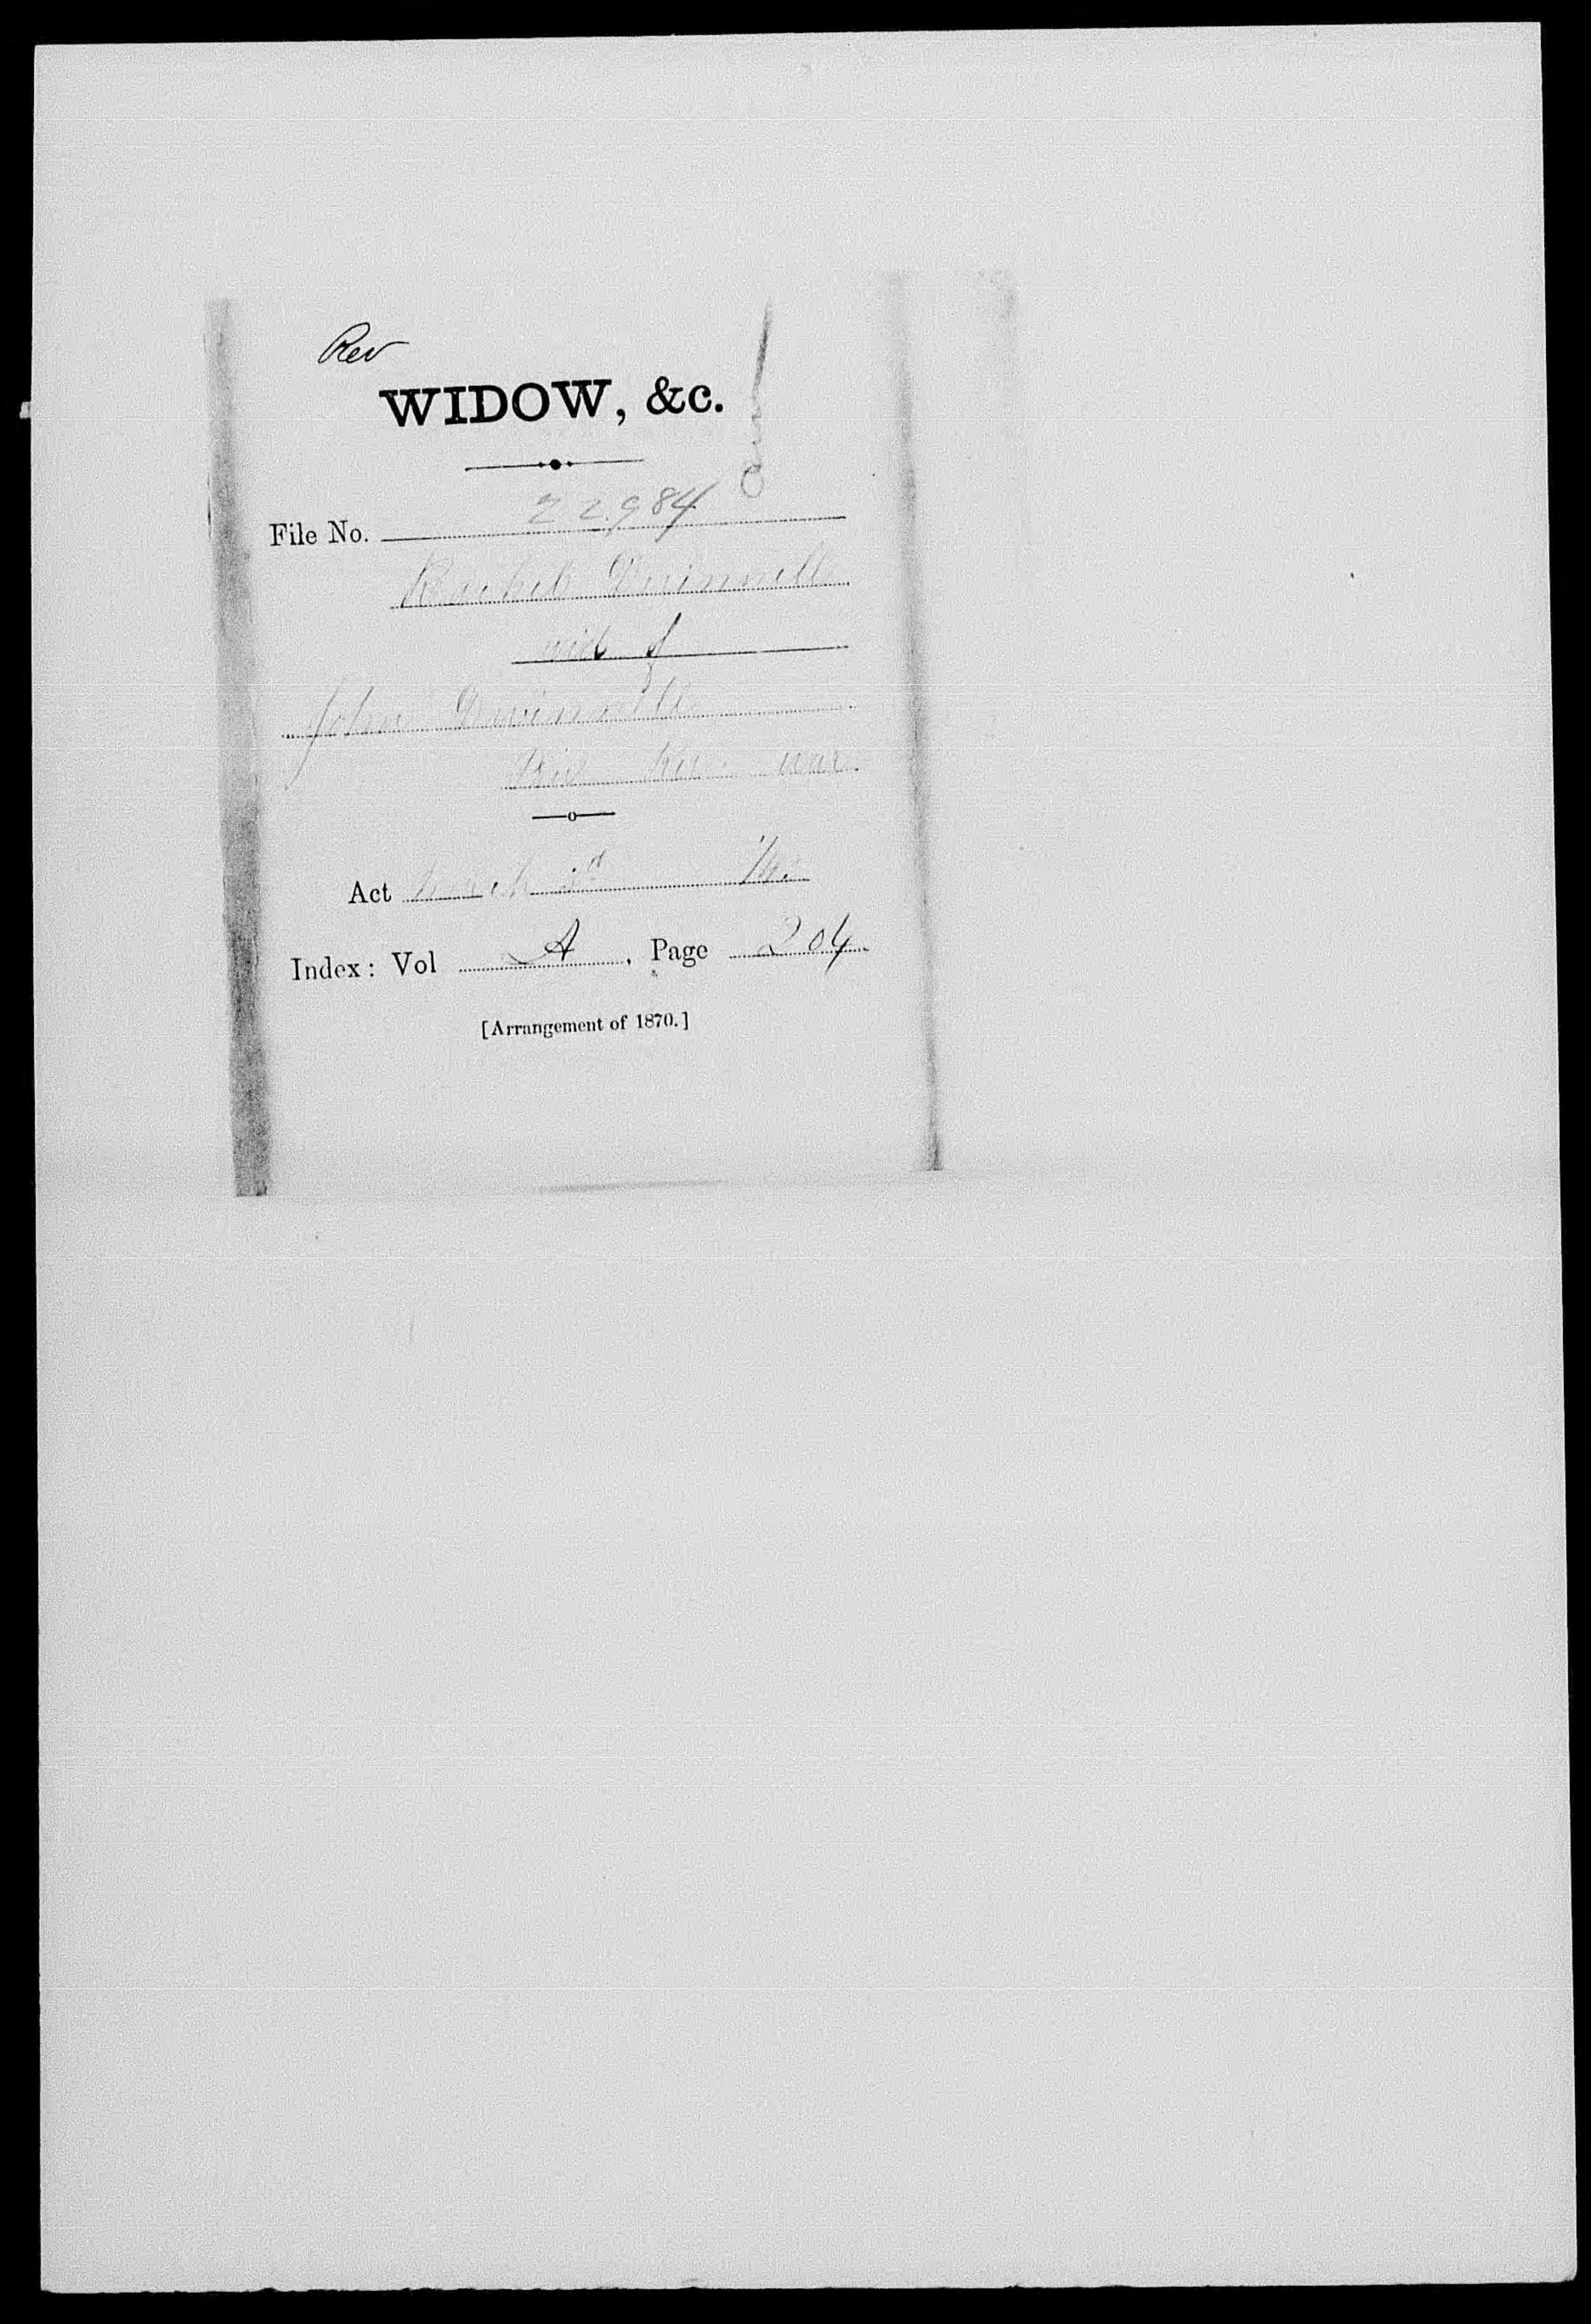Rev WIDOW, &c.
File No. 22.984
Rachel Dwinnell
wid of
John Dwinnell
Priv Rev war
Act [illegible]
Index: Vol A, Page 204
[arrangement of 1870.]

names: John Dwinnell, Rachel Dwinnell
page: 8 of 22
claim: widow's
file: W. 22984, John Dwinnell, Mass.